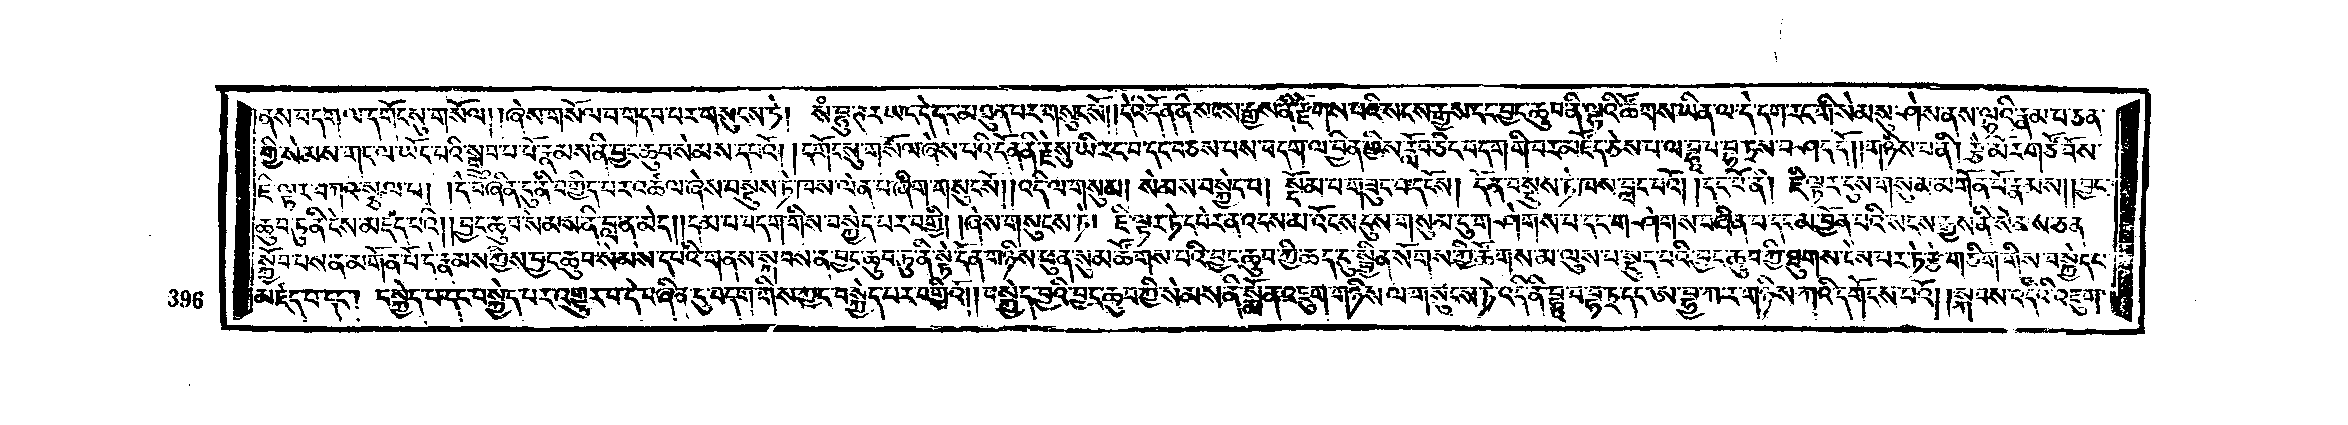ནས་བདག་ལ་དགོངས་སུ་གསོལ། །ཞེས་གསོལ་བ་གདབ་པར་གསུངས་ཏེ། སཾ་བྷུ་ཊར་ཡང་དེ་དང་མཐུན་པར་གསུངས་སོ། །དེའི་དོན་ནི་སངས་རྒྱས་ནི་རྫོགས་པའི་སངས་རྒྱས་དང་བྱང་ཆུབ་ནི་ལྷའི་ཚོགས་ཡིན་ལ་དེ་དག་རང་གི་སེམས་སུ་ཤེས་ནས་ལྷའི་རྣམ་པ་ཅན་
གྱི་སེམས་གང་ལ་ཡོང་པའི་སྒྲུབ་པ་པོ་རྣམས་ནི་བྱང་ཆུབ་སེམས་དཔའོ། །དགོངས་སུ་གསོལ་ཞེས་པའི་དོན་ནི་རྗེས་སུ་ཡི་རང་བ་དང་བཅས་པས་བདག་ལ་བྱིན་གྱིས་རློབ་ཅིང་བདག་གི་བར་མཛོད་ཅེས་པ་ལ་བྷཱ་པ་བྷ་དྲས་བཤད་དོ། །གཉིས་པ་ནི། རྩེ་མོར་གཙོ་བོས་
ཇི་ལྟར་བཀའ་སྩལ་པ། །དེ་བཞིན་དུ་ནི་བགྱིད་པར་འཚལ་ཞེས་བསྡུས་ཏེ་ཁས་ལེན་པ་ཞིག་གསུངས་སོ། །འདི་ལ་གསུམ། སེམས་བསྐྱེད་པ། སྡོམ་པ་གཟུང་བ་དངོས། དོན་བསྡུས་ཏེ་ཁས་བླང་པའོ། །དང་པོ་ནི། ཇི་ལྟར་དུས་གསུམ་མགོན་པོ་རྣམས། །བྱང་
ཆུབ་ཏུ་ནི་ངེས་མཛད་པའི། །བྱང་ཆུབ་སེམས་ནི་བླ་ན་མེད། །དམ་པ་བདག་གིས་བསྐྱེད་པར་བགྱི། །ཞེས་གསུངས་ཏེ། ཇི་ལྟར་ཏེ་དཔེར་ན་འདས་མ་འོངས་དུས་གསུམ་དུ་གཤེགས་པ་དང་གཤེགས་བཞིན་པ་དང་མ་བྱོན་པའི་སངས་རྒྱས་ནི་སེམས་ཅན་
སྐྱོབ་པས་ན་མགོན་པོ་དེ་རྣམས་ཀྱིས་བྱང་ཆུབ་སེམས་དཔའི་གནས་སྐབས་ན་བྱང་ཆུབ་ཏུ་ནི་སྟེ་དོན་གཉིས་ཕུན་སུམ་ཚོགས་པའི་བྱང་ཆུབ་ཀྱི་ཆད་དུ་སྦྱིན་སོགས་ཀྱི་ཚོགས་མ་ལུས་པ་སྡུད་པའི་བྱང་ཆུབ་ཀྱི་ཐུགས་ངེས་པར་ཏེ་རྩེ་གཅིག་གིས་བསྐྱེད་པ་
མཛད་པ་དང་། བསྐྱེད་པ་དང་བསྐྱེད་པར་འགྱུར་བ་དེ་བཞིན་དུ་བདག་གིས་ཀྱང་བསྐྱེད་པར་བགྱིའོ། །བསྐྱེད་བྱའི་བྱང་ཆུབ་ཀྱི་སེམས་ནི་སྨོན་འཇུག་གཉིས་ལ་གསུངས་ཏེ་འདི་ནི་བྷཱ་བ་བྷ་ཏྲ་དང་ཨ་བྷྱ་ཀ་ར་གཉིས་ཀའི་དགོངས་པའོ། །སྐབས་འདིའི་འཇུག་